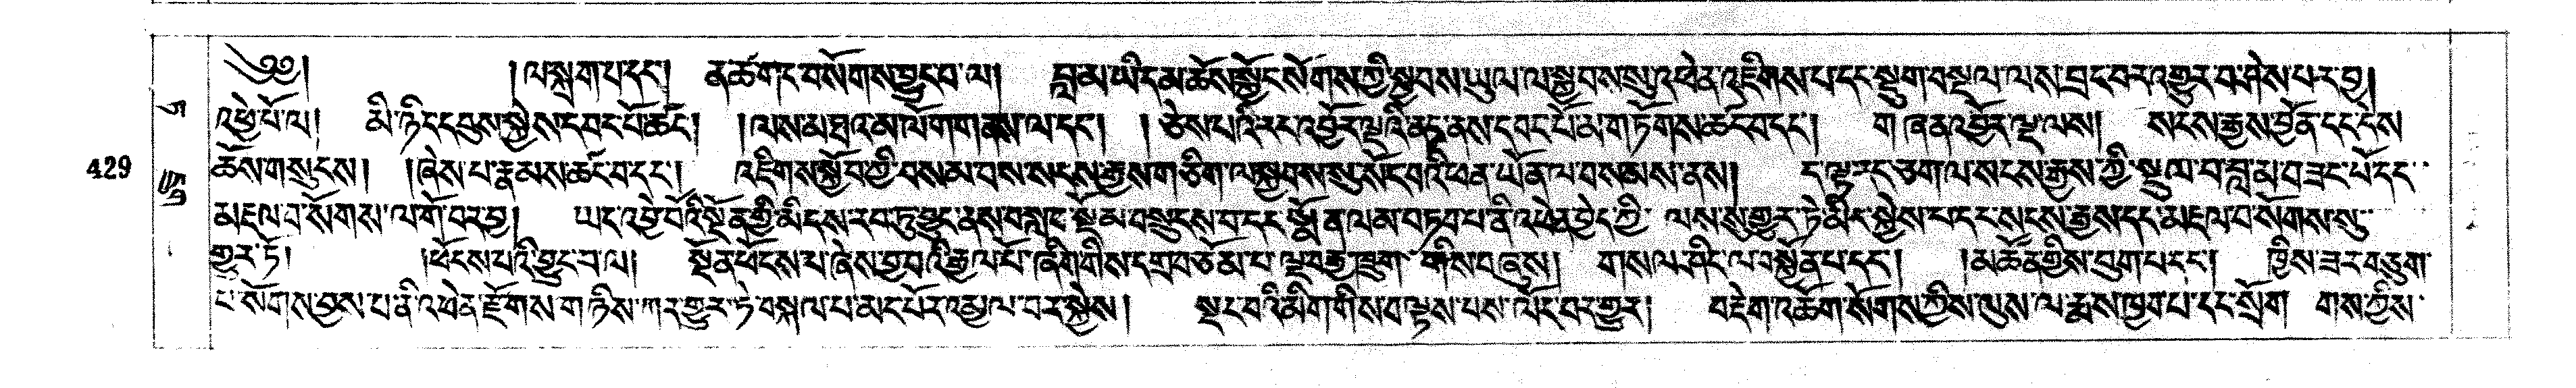༄༅། །ལ་སྐྲག་པ་དང་། ན་ཚ་གང་བ་སོགས་བྱུང་བ་ལ། བླ་མ་ཡི་དམ་ཆོས་སྐྱོང་སོགས་ཀྱི་སྐྱབས་ཡུལ་ལ་སྐྱབས་སུ་འཕེན་འཇིགས་པ་དང་སྡུག་བསྔལ་ལས་བྲང་བར་འགྱུར་བ་ཤེས་པར་བྱ།
འཕྱེ་པོ་ལ། མི་ཉིད་དབུས་སྐྱེས་དབང་པོ་ཚང་། །ལས་མཐའ་མ་ལོག་གནས་ལ་དང་། །ཅེས་པའི་རང་འབྱོར་ལྔའི་ནང་ནས་དབང་པོ་མ་གཏོགས་ཚང་བ་དང་། གཞན་འབྱོར་ལྔ་ལས། སངས་རྒྱས་བྱོན་དང་དེས་
ཆོས་གསུངས། །ཞེས་པ་རྣམས་ཚང་བ་དང་། འཇིགས་སྐྱོབ་ཀྱི་བསམ་པས་སངས་རྒྱས་གཅིག་ལ་སྐྱབས་སུ་སོང་བའི་ཕན་ཡོན་ལ་བསམས་ནས། ད་ལྟ་རང་ཅག་ལ་སངས་རྒྱས་ཀྱི་སྡུལ་བ་བླ་མ་བཟང་པོ་དང་
མཇལ་བ་སོགས་ལ་གོ་བར་བྱ། ཡང་འབྱེ་བོའི་སྔོན་གྱི་མིངས་རབ་ཏུ་བྱུང་ནས་བསླབ་སྡོམ་བསྲུངས་བ་དང་སྨོན་ལམ་བཏབ་པ་ནི་འཕེན་བྱེད་ཀྱི་ལས་སུ་གྱུར་ཏེ་མིང་སྐྱེས་པ་དང་སངས་རྒྱས་དང་མཇལ་བ་སོགས་སུ་
གྱུར་ཏོ། །ཕོངས་པའི་བྱུང་བ་ལ། སྔོན་ཕོངས་པ་ཞེས་བྱ་བའི་རྒྱལ་པོ་ཞིག་གིས་དགྲ་བཅོམ་པ་ལྔ་བརྒྱ་ཁྲུག་གིས་བཞུས། གསལ་ཤིང་ལ་བསྐྱོན་པ་དང་། །མཚོན་གྱིས་བུག་པ་དང་། ཁྱིས་ཟར་བཅུག་
པ་སོགས་བྱས་པ་ནི་འཕེན་རྫོགས་གཉིས་ཀར་གྱུར་ཏེ་བསྐལ་པ་མང་པོར་འྨྱལ་བར་སྐྱེས། སྡང་བའི་མིག་གིས་བལྟས་པས་ལོང་བར་གྱུར། བརྡེག་འཆོག་སོགས་ཀྱིས་ལུས་ལ་རྨས་ཁྱབ་པ་དང་སྲོག་གས་ཀྱིས་